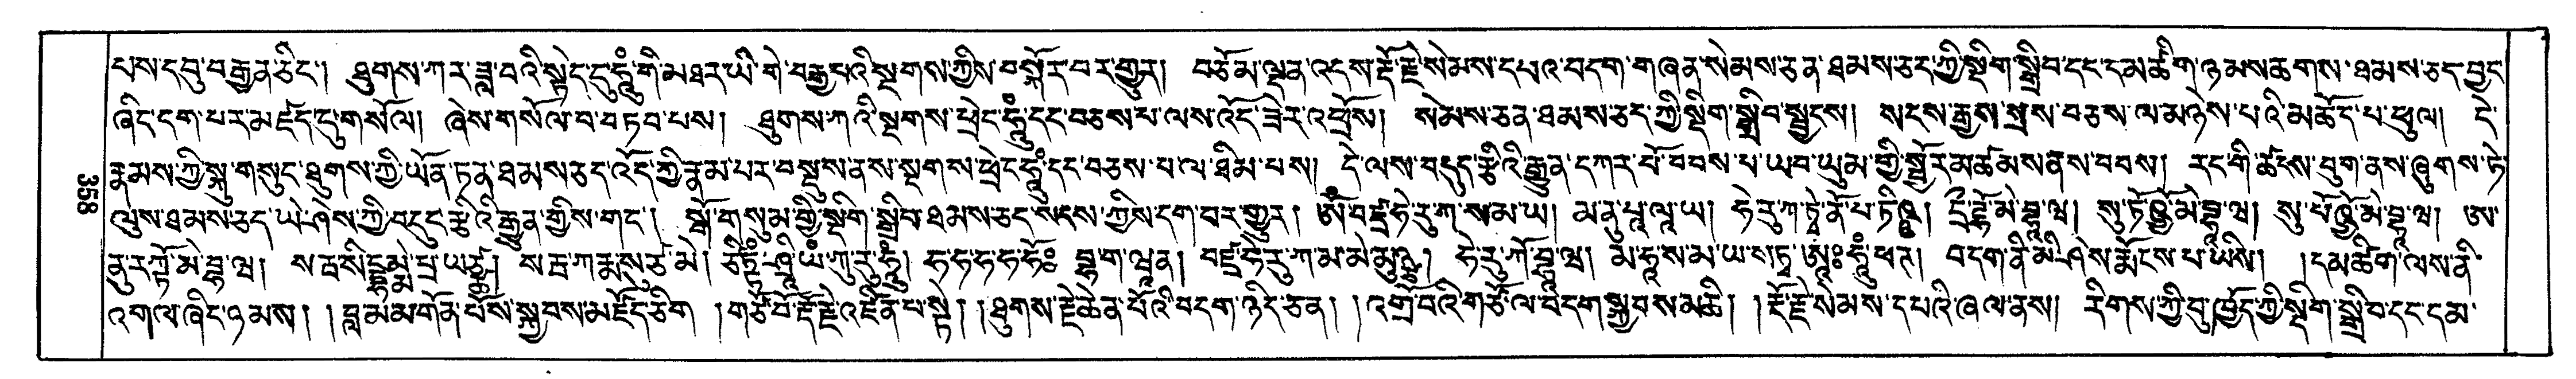པས་དབུ་བརྒྱན་ཅིང་། ཐུགས་ཀར་ཟླ་བའི་སྟེང་དུ་ཧཱུཾ་གི་མཐར་ཡི་གེ་བརྒྱ་བའི་སྔགས་ཀྱིས་བསྐོར་བར་གྱུར། བཅོམ་ལྡན་འདས་རྡོ་རྗེ་སེམས་དཔའ་བདག་གཞན་སེམས་ཅན་ཐམས་ཅད་ཀྱི་སྡིག་སྒྲིབ་དང་དམ་ཚིག་ཉམས་ཆགས་ཐམས་ཅད་བྱང་
ཞིང་དག་པར་མཛད་དུ་གསོལ། ཞེས་གསོལ་བ་བཏབ་པས། ཐུགས་ཀའི་སྔགས་ཕྲེང་ཧཱུཾ་དང་བཅས་པ་ལས་འོད་ཟེར་འཕྲོས། སེམས་ཅན་ཐམས་ཅད་ཀྱི་སྡིག་སྒྲིབ་སྦྱངས། སངས་རྒྱས་སྲས་བཅས་ལ་མཉེས་པའི་མཆོད་པ་ཕུལ། དེ་
རྣམས་ཀྱི་སྐུ་གསུང་ཐུགས་ཀྱི་ཡོན་ཏན་ཐམས་ཅད་འོད་ཀྱི་རྣམ་པར་བསྡུས་ནས་སྔགས་ཕྲེང་ཧཱུཾ་དང་བཅས་པ་ལ་ཐིམ་པས། དེ་ལས་བདུད་རྩིའི་རྒྱུན་དཀར་པོ་བབས་པ་ཡབ་ཡུམ་གྱི་སྦྱོར་མཚམས་ནས་བབས། རང་གི་ཚངས་བུག་ནས་ཞུགས་ཏེ་
ལུས་ཐམས་ཅད་ཡེ་ཤེས་ཀྱི་བདུད་རྩིའི་རྒྱུན་གྱིས་གང་། སྒོ་གསུམ་གྱི་སྡིག་སྒྲིབ་ཐམས་ཅད་སངས་ཀྱིས་དག་པར་གྱུར། ཨོཾ་བཛྲ་ཧེ་རུ་ཀ་ས་མ་ཡ། མ་ནུ་པཱ་ལཱ་ཡ། ཧེ་རུ་ཀཏྭེ་ནོ་པ་ཏིཥཊཿཨ། དྲྀཌྷོ་མེ་བྷ་ཝ། སུ་ཏོ་ཥྱོ་མེ་བྷ་ཝ། སུ་པོ་ཥྱོ་མེ་བྷཱ་ཝ། ཨ་
ནུ་རྐྟོ་མེ་བྷཱ་ཝ། སརྦ་སིདྡྷི་མྨེ་པྲ་ཡཙྪ། སརྦ་ཀརྨ་སུ་ཙ་མེ། ཙིཏྟཾ་ཤྲཱི་ཡཾ་ཀུ་རུ་ཧཱུཾ། ཧ་ཧ་ཧ་ཧ་ཧོཿ བྷ་ག་ཝཱ་ན། བཛྭ་ཧེ་རུ་ཀ་མ་མེ་མུཉྩ། ཧེ་རུ་ཀོ་བྷཱ་ཝ། མ་ཧཱ་ས་མ་ཡ་སཏྭ་ཨཱཿ ཧཱུཾ་ཕཊ། བདག་ནི་མི་ཤེས་རྨོངས་པ་ཡིས། །དམ་ཚིག་ལས་ནི་
འགལ་ཞིང་ཉམས། །བླ་མ་མགོན་པོས་སྐྱབས་མཇོད་ཅིག །གཙོ་བོ་རྡོ་རྗེ་འཛིན་པ་སྟེ། །ཐུགས་རྗེ་ཆེན་པོའི་བདག་ཉིད་ཅན། །འགྲོ་པའི་གཙོ་ལ་བདག་སྐྱབས་མཆི། །རྡོ་རྗེ་སེམས་དཔའི་ཞལ་ནས། རིགས་ཀྱི་བུ་ཁྱོད་ཀྱི་སྡིག་སྒྲིབ་དང་དམ་